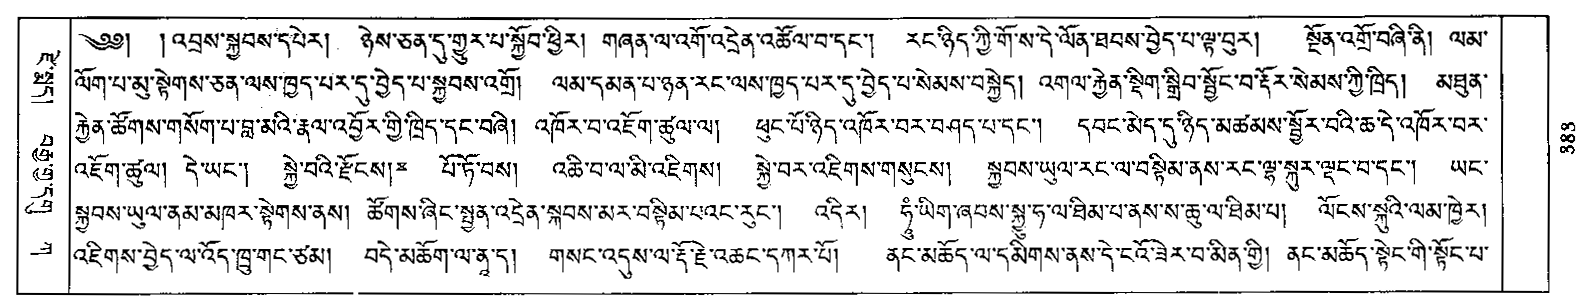༄༅། །འབྲས་སྐྱབས་དཔེར། ཉེས་ཅན་དུ་གྱུར་པ་སྐྱོབ་ཕྱིར། གཞན་ལ་འགོ་འདྲེན་འཚོལ་བ་དང་། རང་ཉིད་ཀྱི་གོ་ས་དེ་ལོན་ཐབས་བྱེད་པ་ལྟ་བུར། སྔོན་འགྲོ་བཞི་ནི། ལམ་
ལོག་པ་མུ་སྟེགས་ཅན་ལས་ཁྱད་པར་དུ་བྱེད་པ་སྐྱབས་འགྲོ། ལམ་དམན་པ་ཉན་རང་ལས་ཁྱད་པར་དུ་བྱེད་པ་སེམས་བསྐྱེད། འགལ་རྐྱེན་སྡིག་སྒྲིབ་སྦྱོང་བ་རྡོར་སེམས་ཀྱི་ཁྲིད། མཐུན་
རྐྱེན་ཚོགས་གསོག་པ་བླ་མའི་རྣལ་འབྱོར་གྱི་ཁྲིད་དང་བཞི། འཁོར་བ་འཇོག་ཚུལ་ལ། ཕུང་པོ་ཉིད་འཁོར་བར་བཤད་པ་དང་། དབང་མེད་དུ་ཉིད་མཚམས་སྦྱོར་བའི་ཆ་དེ་འཁོར་བར་
འཇོག་ཚུལ། དེ་ཡང་། སྐྱེ་བའི་རྫོངས། ྾་པོ་ཏོ་བས། འཆི་བ་ལ་མི་འཇིགས། སྐྱེ་བར་འཇིགས་གསུངས། སྐྱབས་ཡུལ་རང་ལ་བསྟིམ་ནས་རང་ལྷ་སྐུར་ལྡང་བ་དང་། ཡང་
སྐྱབས་ཡུལ་ནམ་མཁར་སྟེགས་ནས། ཚོགས་ཞིང་སྤྱན་འདྲེན་སྐབས་མར་བསྟིམ་པའང་རུང་། འདིར། ཧཱུཾ་ཡིག་ཞབས་སྐྱུ་ཧ་ལ་ཐིམ་པ་ནས་ས་ཆུ་ལ་ཐིམ་པ། ལོངས་སྐུའི་ལམ་ཁྱེར།
འཇིགས་བྱེད་ལ་འོད་ཁྲུ་གང་ཙམ། བདེ་མཆོག་ལ་ནཱ་ད། གསང་འདུས་ལ་རྡོ་རྗེ་འཆང་དཀར་པོ། ནང་མཆོད་ལ་དམིགས་ནས་དེ་ངའོ་ཟེར་བ་མིན་གྱི། ནང་མཆོད་སྟེང་གི་སྟོང་པ་